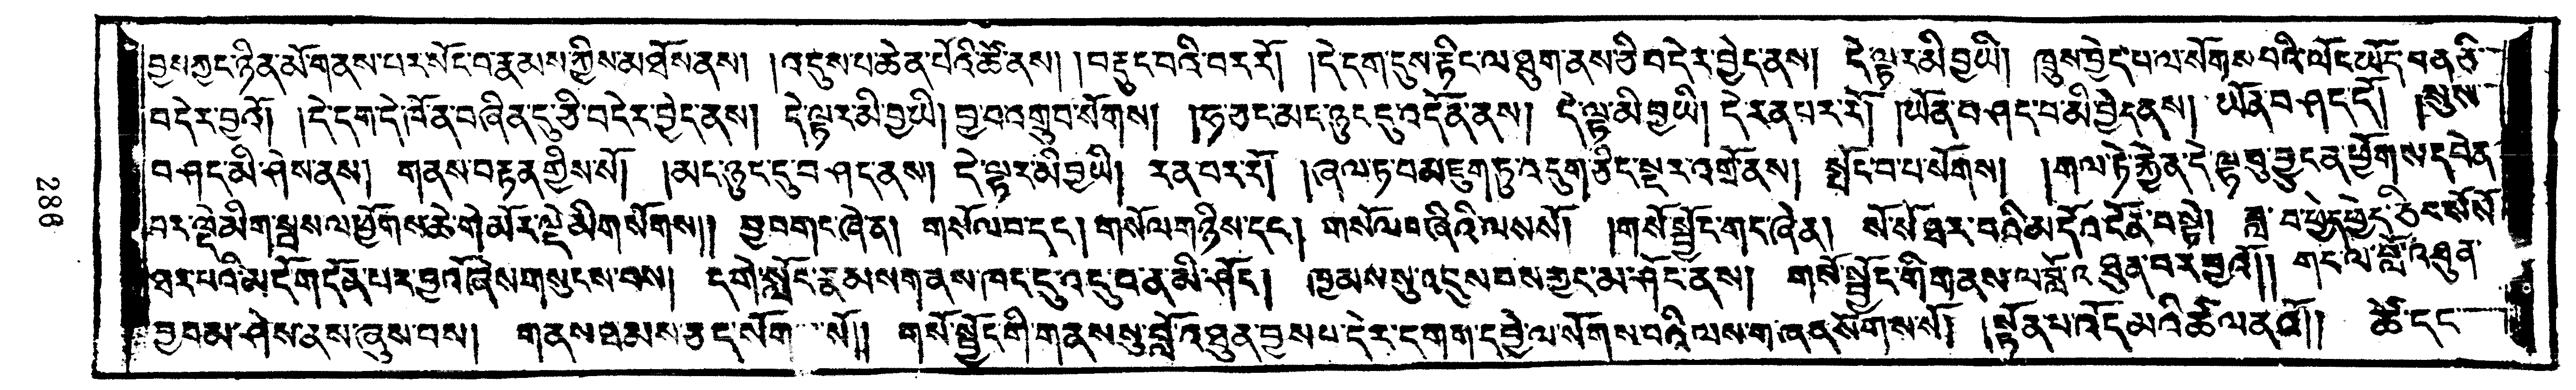བྱས་ཀྱང་ཉིན་མོ་གནས་པར་སོང་བ་རྣམས་ཀྱིས་མཐོས་ནས། །འདུས་པ་ཆེན་པོའི་ཚེ་ནས། །བརྡུང་བའི་བར་རོ། །དེ་དག་དུས་རྟིང་ལ་ཐུག་ནས་ཅི་བདེར་བྱེད་ནས། དེ་ལྟར་མི་བྱ་ཡི། ཁྲུས་བྱེད་པ་ལ་སོགས་པའི་ལོང་ཡོད་པན་ཅི་
བདེར་བྱའོ། །དེ་དག་དེ་ཁོ་ན་བཞིན་དུ་ཅི་བདེར་བྱེད་ནས། དེ་ལྟར་མི་བྱ་ཡི། བྱ་བ་འགྲུབ་སོགས། །ཧ་ཅང་མང་ཉུང་དུ་འདོན་ནས། དེ་ལྟ་མི་བྱ་ཡི། དེ་རན་པར་རོ། །ཡོན་བཤད་པ་མི་བྱེད་ནས། ཡོན་བཤད་དོ། །སུས་
བཤད་མི་ཤེས་ནས། གནས་བརྟན་གྱིས་སོ། །མང་ཉུང་དུ་བཤད་ནས། དེ་ལྟར་མི་བྱ་ཡི། རན་པར་རོ། །ཞལ་ཏ་བ་མཇུག་ཏུ་འདུག་ཅིང་སྔར་འགྲོ་ནས། སྤོང་བ་པ་སོགས། །གལ་ཏེ་རྐྱེན་དེ་ལྟ་བུ་བྱུང་ན་ཕྱོགས་དབེན་
བར་ལྡེ་མིག་སྦས་ལ་ཕྱོགས་ཆེ་གེ་མོར་ལྡེ་མིག་སོགས། །བྱ་བ་གང་ཞེ་ན། གསོལ་བ་དང་། གསོལ་གཉིས་དང་། གསོལ་བཞིའི་ལས་སོ། །གསོ་སྦྱོང་གང་ཞེ་ན། སོ་སོ་ཐར་བའི་མདོ་འདོན་བ་སྟེ། ཟླ་བ་ཕྱེད་ཕྱེད་ཅིང་སོ་སོ་
ཐར་པའི་མདོ་གདོན་པར་བྱའོ་ཞེས་གསུངས་པས། དགེ་སློང་རྣམས་གནས་ཁང་དུ་འདུ་བ་ན་མི་ཤོང་། ཁྱམས་སུ་འདུས་པས་ཀྱང་མ་ཤོང་ནས། གསོ་སྦྱོང་གི་གནས་ལ་བློ་འཐུན་བར་བྱའོ།། གང་ལ་བློ་འཐུན་
བྱ་བ་མ་ཤེས་ནས་ཞུས་པས། གནས་ཐམས་ཅད་སོགས་སོ།། གསོ་སྦྱོང་གི་གནས་སུ་བློ་འཐུན་བྱས་པ་དེར་དགག་དབྱེ་ལ་སོགས་པའི་ལས་གཞན་སོགས་སོ། །སྟོན་པ་འོད་མའི་ཚལ་ནའོ།། ཚེ་དང་